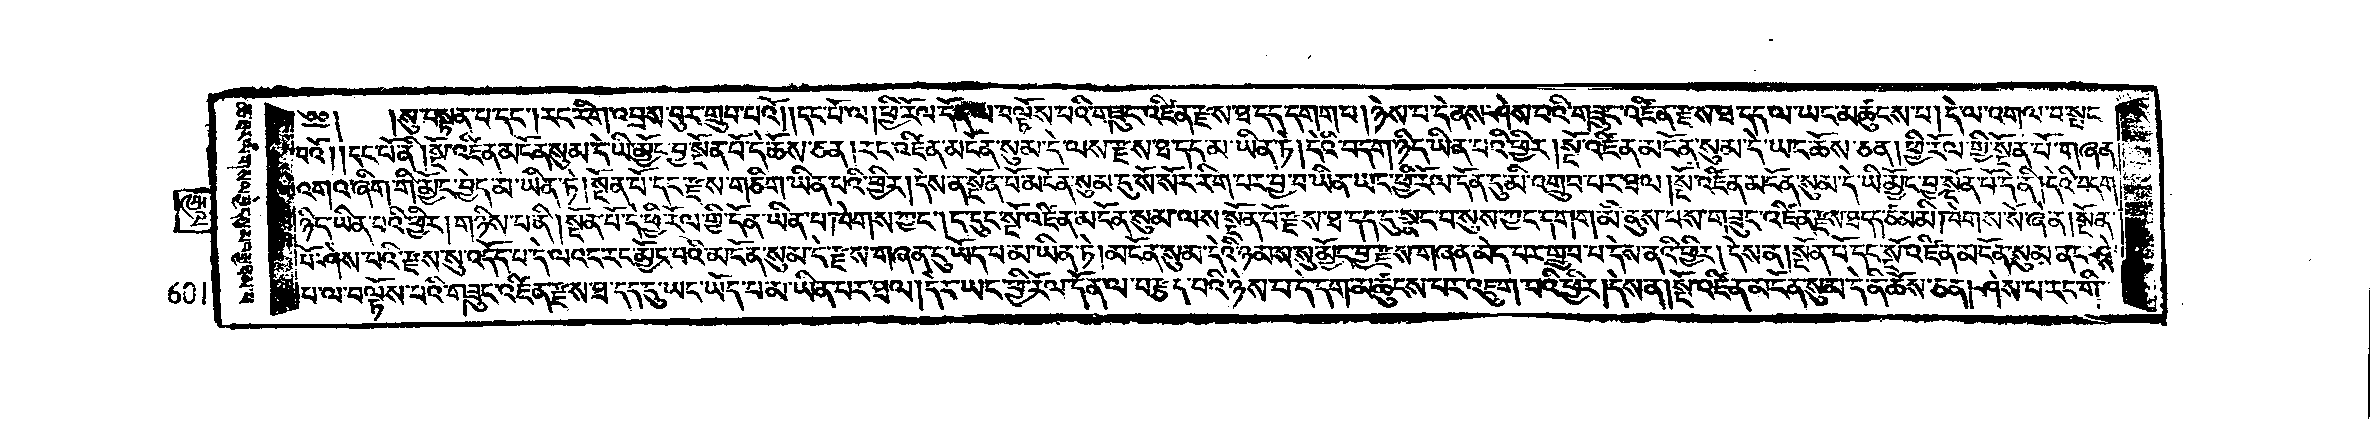༄༅། །སུ་བསྟན་པ་དང་། རང་རིག་འབྲས་བུར་གྲུབ་པའོ། །དང་པོ་ལ། ཕྱི་རོལ་དོན་ལ་བལྟོས་པའི་གཟུང་འཛིན་རྫས་ཐ་དད་དགག་པ། ཉེས་པ་དེ་ནས་ཤེས་པའི་གཟུང་འཛིན་རྫས་ཐ་དད་ལ་ཡང་མཚུངས་པ། དེ་ལ་འགལ་བ་སྤང་
བའོ། །དང་པོ་ནི། སྔོ་འཛིན་མངོན་སུམ་དེ་ཡི་མྱོང་བྱ་སྔོན་པོ་དེ་ཆོས་ཅན། རང་འཛིན་མངོན་སུམ་དེ་ལས་རྫས་ཐ་དད་མ་ཡིན་ཏེ། དེའི་བདག་ཉིད་ཡིན་པའི་ཕྱིར། སྔོ་འཛིན་མངོན་སུམ་དེ་ཡང་ཆོས་ཅན། ཕྱི་རོལ་གྱི་སྔོན་པོ་གཞན་
འགའ་ཞིག་གི་མྱོང་བྱེད་མ་ཡིན་ཏེ། སྔོན་པོ་དང་རྫས་གཅིག་ཡིན་པའི་ཕྱིར། དེས་ན་སྔོན་པོ་མངོན་སུམ་དུ་སོ་སོར་རིག་པར་བྱ་བ་ཡིན་ཡང་ཕྱི་རོལ་དོན་དུ་མི་འགྲུབ་པར་ཐལ། སྔོ་འཛིན་མངོན་སུམ་དེ་ཡི་མྱོང་བྱ་སྔོན་པོ་དེ་ནི། དེའི་བདག་
ཉིད་ཡིན་པའི་ཕྱིར། གཉིས་པ་ནི། སྔོན་པོ་དེ་ཕྱི་རོལ་གྱི་དོན་ཡིན་པ་ཁེགས་ཀྱང་། ད་དུང་སྔོན་འཛིན་མངོན་སུམ་ལས་སྔོན་པོ་རྫས་ཐ་དད་དུ་སྣང་བ་སུས་ཀྱང་དགག་མི་ནུས་པས་གཟུང་འཛིན་རྫས་ཐ་དད་ཙམ་མི་ཁེགས་སོ་ཞེ་ན། སྔོན་
པོ་ཤེས་པའི་རྫས་སུ་འདོད་པ་དེ་ལའང་རང་མྱོང་བའི་མངོན་སུམ་དེ་རྫས་གཞན་དུ་ཡོད་པ་མ་ཡིན་ཏེ། མངོན་སུམ་དེའི་ཉམས་སུ་མྱོང་བྱ་རྫས་གཞན་མེད་པར་གྲུབ་པ་དེས་ནའི་ཕྱིར། དེས་ན། སྔོན་པོ་དང་སྔོ་འཛིན་མངོན་སུམ་ནང་ཤེས་
པ་ལ་བལྟོས་པའི་གཟུང་འཛིན་རྫས་ཐ་དད་དུ་ཡང་ཡོད་པ་མ་ཡིན་པར་ཐལ། དེར་ཡང་ཕྱི་རོལ་དོན་ལ་བརྩད་པའི་ཉེས་པ་དེ་དག་མཚུངས་པར་འཇུག་པའི་ཕྱིར། དེས་ན། སྔོ་འཛིན་མངོན་སུམ་དེ་ནི་ཆོས་ཅན། ཤེས་པ་རང་གི་